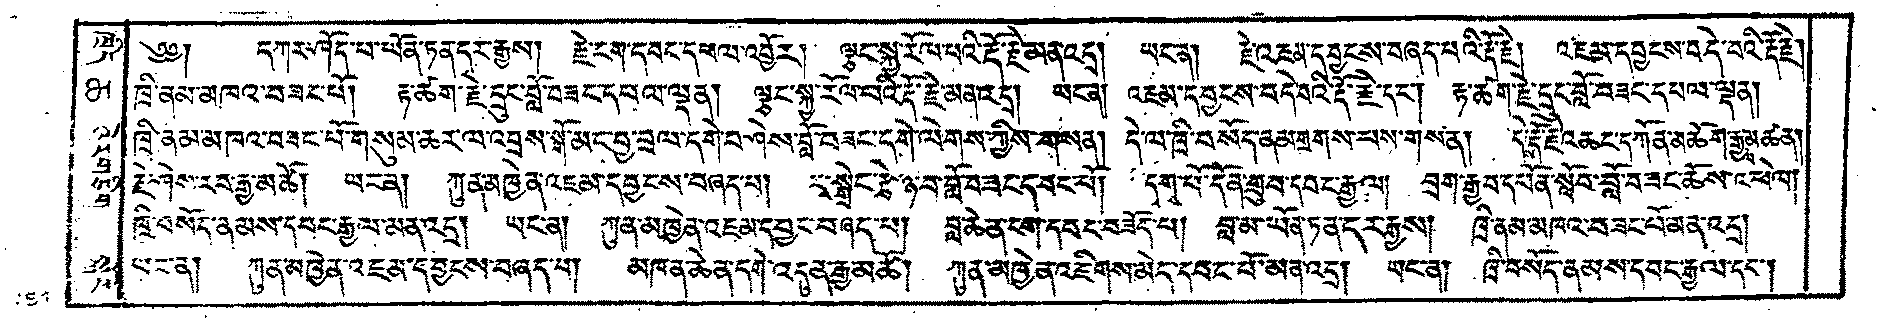༄༅། །དཀར་ཤོད་པ་ཡོན་ཏན་དར་རྒྱས། རྗེ་ངག་དབང་དཔལ་འབྱོར། ལྕང་སྐྱ་རོལ་པའི་རྡོ་རྗེ་མན་འདྲ། ཡང་ན། རྗེ་འཇམ་དབྱངས་བཞད་པའི་རྡོ་རྗེ། འཇམ་དབྱངས་བདེ་བའི་རྡོ་རྗེ།
ཁྲི་ནམ་མཁའ་བཟང་པོ། རྟ་ཚག་རྗེ་དྲུང་བློ་བཟང་དཔལ་ལྡན། ལྕང་སྐྱ་རོལ་པའི་རྡོ་རྗེ་མན་འདྲ། ཡང་ན། འཇམ་དབྱངས་བདེ་བའི་རྡོ་རྗེ་དང་། རྟ་ཚག་རྗེ་དྲུང་བློ་བཟང་དཔལ་ལྡན།
ཁྲི་ནམ་མཁའ་བཟང་པོ་གསུམ་ཆར་ལ་འབྲས་སྒོ་མང་བྱ་བྲལ་དགེ་བཤེས་བློ་བཟང་དགེ་ལེགས་ཀྱིས་གསན། དེ་ལ་ཁྲི་བསོད་ནམ་གྲགས་པས་གསན། དེས་རྡོ་རྗེ་འཆང་དཀོན་མཆོག་རྒྱལ་མཚན།
རྗེ་ཤེས་རབ་རྒྱ་མཚོ། ཡང་ན། ཀུན་མཁྱེན་འཇམ་དབྱངས་བཞད་པ། རྭ་སྒྲེང་རྩེ་ཉ་བ་བློ་བཟང་དབང་པོ། དྭགས་པོ་དོན་གྲུབ་དབང་རྒྱལ། བྲག་རྒྱབ་དཔོན་སློབ་བློ་བཟང་ཆོས་འཕེལ།
ཁྲི་བསོད་ནམས་དབང་རྒྱལ་མན་འདྲ། ཡང་ན། ཀུན་མཁྱེན་འཇམ་དབྱངས་བཞད་པ། བླ་ཆེན་ངག་དབང་བཟོད་པ། བླ་མ་ཡོན་ཏན་དར་རྒྱས། ཁྲི་ནམ་མཁའ་བཟང་པོ་མན་འདྲ།
ཡང་ན། ཀུན་མཁྱེན་འཇམ་དབྱངས་བཞད་པ། མཁན་ཆེན་དགེ་འདུན་རྒྱ་མཚོ། ཀུན་མཁྱེན་འཇིགས་མེད་དབང་པོ་མན་འདྲ། ཡང་ན། ཁྲི་བསོད་ནམས་དབང་རྒྱལ་དང་།